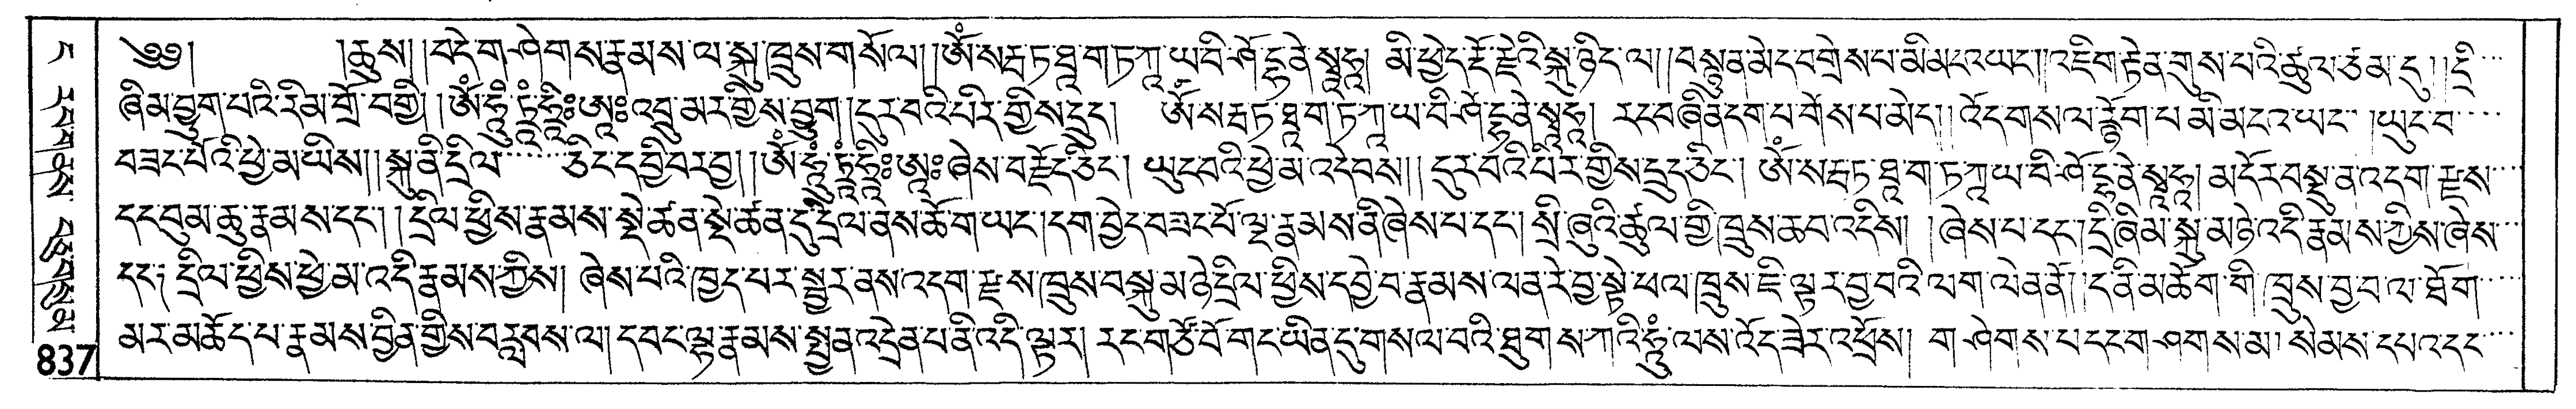༄༅། །ཆུས། །བདེ་གཤེགས་རྣམས་ལ་སྐུ་ཁྲུས་གསོལ། །ཨོཾ་སརྦ་ཏ་ཐཱ་ག་ཏ་ཀཱ་ཡ་བི་ཤོ་དྷ་ནེ་སྭཱཧཱ། མི་ཕྱེད་རྡོ་རྗེའི་སྐུ་ཉིད་ལ། །བསྙུན་མེད་བགྲེས་པ་མི་མངའ་ཡང་། །འཇིག་རྟེན་གུས་པའི་ཚུལ་ཙམ་དུ། །དྲི་
ཞིམ་བྱུག་པའི་རིམ་གྲོ་བགྱི། །ཨོཾ་ཧཱུཾ་ཏྲཱཾ་ཧྲཱིཿ ཨཱཿ འབྲུ་མར་གྱིས་བྱུག །དུར་བའི་པིར་གྱིས་དྲུད། ཨོཾ་སརྦ་ཏ་ཐཱ་ག་ཏ་ཀཱ་ཡ་བི་ཤོ་དྷ་ནེ་སྭཱཧཱ། རང་བཞིན་དག་པ་གོས་པ་མེད། །འོད་གསལ་རྙོག་པ་མི་མངའ་ཡང་། །ཡུང་བ་
བཟང་པོའི་ཕྱེ་མ་ཡིས། །སྐུ་ནི་དྲིལ་ཅིང་དབྱི་བར་བྱ། །ཨོཾ་ཧཱུཾ་ཏྲཱཾ་ཧྲཱིཿ ཨཱཿ ཞེས་བརྗོད་ཅིང་། ཡུང་བའི་ཕྱེ་མ་འདེབས། །དུར་བའི་པིར་གྱིས་དྲུད་ཅིང་། ཨོཾ་སརྦ་ཏ་ཐཱ་ག་ཏ་ཀཱ་ཡ་བི་ཤོ་དྷ་ནེ་སྭཱཧཱ། མདོར་བསྡུ་ན་འདག་རྫས་
དང་བུམ་ཆུ་རྣམས་དང་། །དྲིལ་ཕྱིས་རྣམས་སྡེ་ཚན་སྡེ་ཚན་དུ་དྲིལ་ནས་ཆོ་ག་ཡང་། དག་བྱེད་བཟང་པོ་ལྔ་རྣམས་ནི་ཞེས་པ་དང་། སྲི་ཞུའི་ཚུལ་གྱི་ཁྲུས་ཆབ་འདིས། །ཞེས་པ་དང་། དྲི་ཞིམ་སྐུ་མཉེ་འདི་རྣམས་ཀྱིས་ཞེས་
དང་། དྲིལ་ཕྱིས་ཕྱེ་མ་འདི་རྣམས་ཀྱིས། ཞེས་པའི་ཁྱད་པར་སྦྱར་ནས་འདག་རྫས་ཁྲུས་བསྐུ་མཉེ་དྲིལ་ཕྱིས་དབྱེ་བ་རྣམས་ལན་རེ་བྱ་སྟེ་ཕལ་ཁྲུས་ཇི་ལྟར་བྱ་བའི་ལག་ལེན་ནོ། །ད་ནི་མཆོག་གི་ཁྲུས་བྱ་བ་ལ་ཐོག་
མར་མཆོད་པ་རྣམས་བྱིན་གྱིས་བརླབས་ལ། དབང་ལྷ་རྣམས་སྤྱན་འདྲེན་པ་ནི་འདི་ལྟར། རང་གཙོ་བོ་གང་ཡིན་དུ་གསལ་བའི་ཐུགས་ཀའི་ཧཱུཾ་ལས་འོད་ཟེར་འཕྲོས། གཤེགས་པ་དང་གཤགས་མ། སེམས་དཔའ་དང་